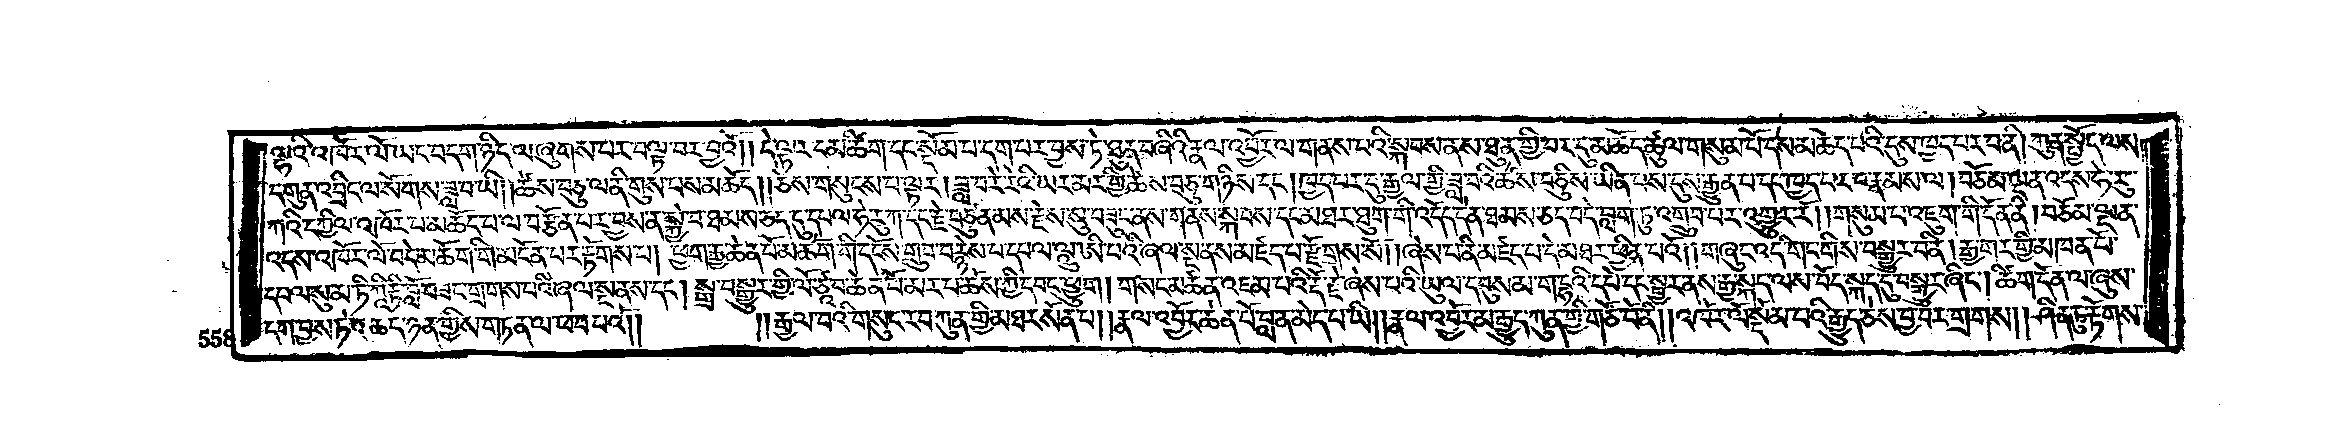ལྷའི་འཁོར་ལོ་ཡང་བདག་ཉིད་ལ་ཞུགས་པར་བལྟ་བར་བྱའོ། །དེ་ལྟར་དམ་ཚིག་དང་སྡོམ་པ་དག་པར་བྱས་ཏེ་ཐུན་བཞིའི་རྣལ་འབྱོར་ལ་གནས་པའི་སྐབས་ནས་ཐུན་གྱི་བར་དུ་མཆོད་ཚུལ་གསུམ་པོ་དེས་མཆོད་པའི་དུས་ཁྱད་པར་བ་ནི། ཀུན་སྤྱོད་ལས།
དགུན་འབྲིང་ལ་སོགས་ཟླ་བ་ཡི། །ཚེས་བཅུ་ལ་ནི་གུས་པས་མཆོད། །ཅེས་གསུངས་པ་ལྟར། ཟླ་བ་རེ་རེའི་ཡར་མར་གྱི་ཚེས་བཅུ་གཉིས་དང་། ཁྱད་པར་དུ་རྒྱལ་གྱི་ཟླ་བའི་ཚེས་བཅུ་གཉིས་ཡིན་པས་དུས་རྒྱུན་པ་དང་ཁྱད་པར་བ་རྣམས་ལ། བཅོམ་ལྡན་འདས་ཧེ་རུ་
ཀའི་དཀྱིལ་འཁོར་པ་མཆོད་པ་ལ་བརྩོན་པར་བྱས་ན་སྐྱེ་བ་ཐམས་ཅད་དུ་དཔལ་ཧེ་རུ་ཀ་དང་རྗེ་བཙུན་མས་རྗེས་སུ་བཟུང་ནས་གནས་སྐབས་དང་མཐར་ཐུག་གི་འདོད་དེན་ཐམས་ཅད་བདེ་བླག་ཏུ་འགྲུབ་པར་འགྱུར་རོ། །གསུམ་པ་འཇུག་གི་དོན་ནི། བཅོམ་ལྡན་
འདས་འཁོར་ལོ་བདེ་མཆོག་གི་མངོན་པར་རྟོགས་པ། ཕྱག་རྒྱ་ཆེན་པོ་མཆོག་གི་དངོས་གྲུབ་བརྙེས་པ་དཔལ་ལཱུ་ཨི་པའི་ཞལ་སྔ་ནས་མཛད་པ་རྫོགས་སོ། །ཞེས་པ་ནི་མཛད་པ་དེ་མཐར་ཕྱིན་པའོ། །གཞུང་འདི་གང་གིས་བསྒྱུར་བ་ནི། རྒྱ་གར་གྱི་མཁན་པོ་
དཔལ་སུ་མ་ཏི་ཀཱི་རྟི་བློ་བཟང་གྲགས་པའི་ཞལ་སྔ་ནས་དང་། སྒྲ་བསྒྱུར་གྱི་ལོ་ཙཱ་བ་ཆེན་པོ་མར་པ་ཆོས་ཀྱི་དབང་ཕྱུག །གསང་མཚན་འཇམ་པའི་རྡོ་རྗེ་ཞེས་པའི་ཡུལ་དབུས་མ་ག་དྷའི་དཔེ་དང་སྦྱར་ནས་རྒྱ་སྐད་ལས་བོད་སྐད་དུ་བསྒྱུར་ཞིང་། ཚིག་དོན་ལ་ཞུས་
དག་བྱས་ཏེ་འཆད་ཉན་གྱིས་གཏན་ལ་ཕབ་པའོ།། །།རྒྱལ་བའི་གསུང་རབ་ཀུན་གྱི་མཐར་སོན་པ། །རྣལ་འབྱོར་ཆེན་པོ་བླ་ན་མེད་པ་ཡི། །རྣལ་འབྱོར་མ་རྒྱུད་ཀུན་གྱི་གཙོ་བོ་ནི། །འཁོར་ལོ་སྡོམ་པའི་རྒྱུད་ཅེས་བྱ་བར་གྲགས། །ཤིན་ཏུ་རྟོགས་